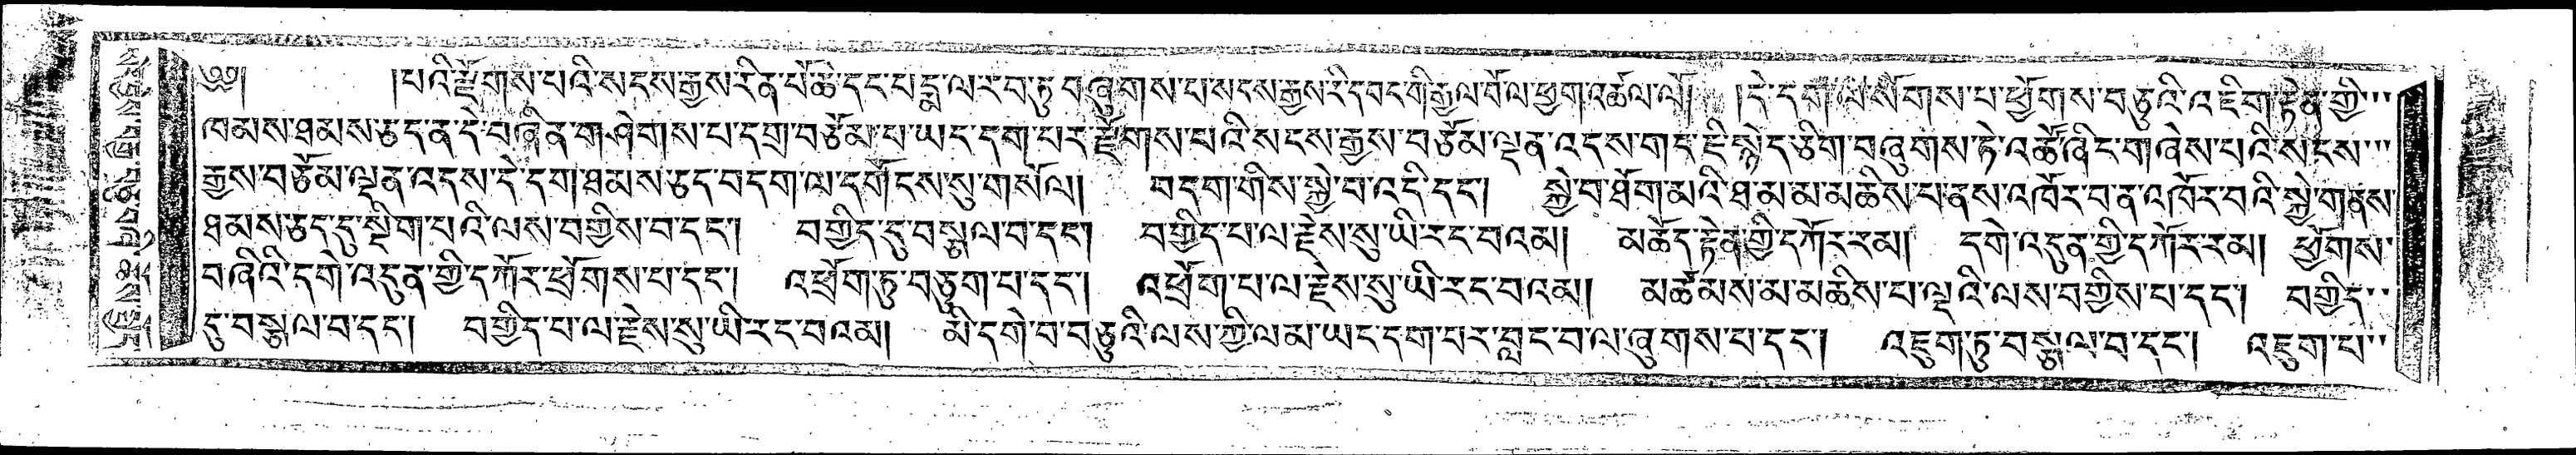༄༅། །པའི་རྫོགས་པའི་སངས་རྒྱས་རིན་པོ་ཆེ་དང་པདམ་ལ་རབ་ཏུ་བཞུགས་པ་སངས་རྒྱས་རི་དབང་གི་རྒྱལ་བོ་ལ་ཕྱག་འཚལ་ལོ། །དེ་དག་ལ་སོགས་པ་ཕྱོགས་བཅུའི་འཇིག་རྟེན་གྱི་
ཁམས་ཐམས་ཅད་ན་དེ་བཞིན་གཤེགས་པ་དགྲ་བཅོམ་པ་ཡང་དག་པར་རྫོགས་པའི་སངས་རྒྱས་བཅོམ་ལྡན་འདས་གང་ཇི་སྙེད་ཅིག་བཞུགས་ཏེ་འཚོ་ཞིང་གཞེས་པའི་སངས་
རྒྱས་བཅོམ་ལྡན་འདས་དེ་དག་ཐམས་ཅད་བདག་ལ་དགོངས་སུ་གསོལ། བདག་གིས་སྐྱེ་བ་འདི་དང་། སྐྱེ་བ་ཐོག་མའི་ཐ་མ་མ་མཆིས་པ་ནས་འཁོར་བ་ན་འཁོར་བའི་སྐྱེ་གནས་
ཐམས་ཅད་དུ་སྡིག་པའི་ལས་བགྱིས་པ་དང་། བགྱིད་དུ་བསྩལ་བ་དང་། བགྱིད་པ་ལ་རྗེས་སུ་ཡི་རང་བའམ། མཆོད་རྟེན་གྱི་དཀོར་རམ། དགེ་འདུན་གྱི་དཀོར་རམ། ཕྱོགས་
བཞིའི་དགེ་འདུན་གྱི་དཀོར་ཕྲོགས་པ་དང་། འཕྲོག་ཏུ་བཅུག་པ་དང་། འཕྲོག་པ་ལ་རྗེས་སུ་ཡི་རང་བའམ། མཚམས་མ་མཆིས་པ་ལྔའི་ལས་བགྱིས་པ་དང་། བགྱིད་
དུ་བསྩལ་བ་དང་། བགྱིད་པ་ལ་རྗེས་སུ་ཡི་རང་བའམ། མི་དགེ་བ་བཅུའི་ལས་ཀྱི་ལམ་ཡང་དག་པར་བླང་བ་ལ་ཞུགས་པ་དང་། འཇུག་ཏུ་བསྩལ་བ་དང་། འཇུག་པ་